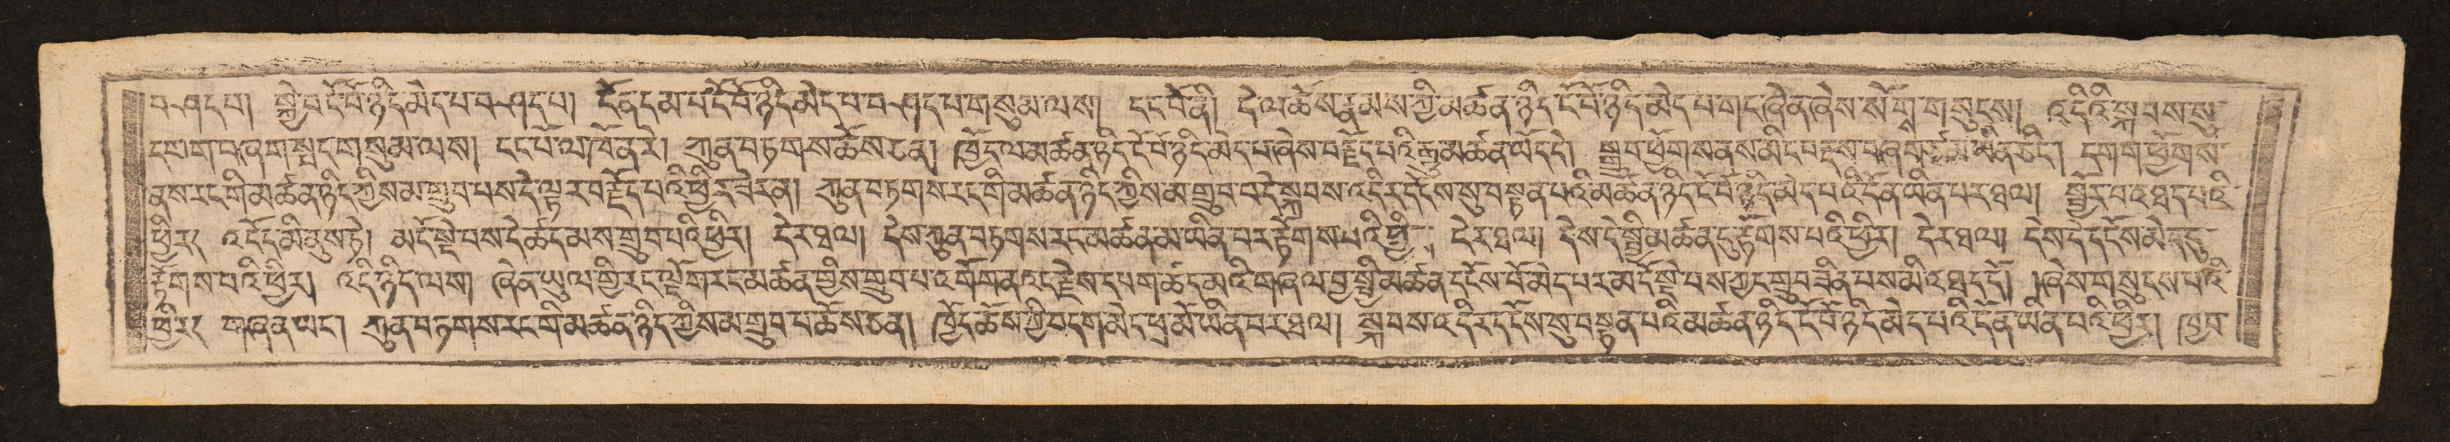བཤད་པ། སྐྱེ་བ་ངོ་བོ་ཉིད་མེད་པ་བཤད་པ། དོན་དམ་པ་ངོ་བོ་ཉིད་མེད་པ་བཤད་པ་གསུམ་ལས། དང་པོ་ནི། དེ་ལ་ཆོས་རྣམས་ཀྱི་མཚན་ཉིད་ངོ་བོ་ཉིད་མེད་པ་གང་ཞེ་ན་ཞེས་སོགས་གསུངས། འདིའི་སྐབས་སུ་
དགག་བཞག་སྤང་གསུམ་ལས། དང་པོ་ལ་ཁོ་ན་རེ། ཀུན་བཏགས་ཆོས་ཅན། ཁྱོད་ལ་མཚན་ཉིད་ངོ་བོ་ཉིད་མེད་པ་ཞེས་བརྗོད་པའི་རྒྱུ་མཚན་ཡོད་དེ། སྒྲུབ་ཕྱོགས་ནས་མིང་བརྡས་བཞག་ཙམ་ཡིན་ཅིང་། དགག་ཕྱོགས་
ནས་རང་གི་མཚན་ཉིད་ཀྱིས་མ་གྲུབ་པས་དེ་ལྟར་བརྗོད་པའི་ཕྱིར་ཟེར་ན། ཀུན་བཏགས་རང་གི་མཚན་ཉིད་ཀྱིས་མ་གྲུབ་པ་དེ་སྐབས་འདིར་དངོས་སུ་བསྟན་པའི་མཚན་ཉིད་ངོ་བོ་ཉིད་མེད་པའི་དོན་ཡིན་པར་ཐལ། སྦྱོར་བ་འཐད་པའི་
ཕྱིར༑ འདོད་མི་ནུས་ཏེ། མདོ་སྡེ་པས་དེ་ཚད་མས་གྲུབ་པའི་ཕྱིར། དེར་ཐལ། དེས་ཀུན་བཏགས་རང་མཚན་མ་ཡིན་པར་རྟོགས་པའི་ཕྱིར། དེར་ཐལ། དེས་དེ་སྤྱི་མཚན་དུ་རྟོགས་པའི་ཕྱིར། དེར་ཐལ། དེས་དེ་དངོས་མེད་དུ་
རྟོགས་པའི་ཕྱིར། འདི་ཉིད་ལས། ཞེན་ཡུལ་གྱི་རང་ལྡོག་རང་མཚན་གྱིས་གྲུབ་པ་འགོག་ནའང་རྗེས་དཔག་ཚད་མའི་གཞལ་བྱ་སྤྱི་མཚན་དངོས་པོ་མེད་པར་མདོ་སྡེ་པས་ཀྱང་གྲུབ་ཟིན་པས་མི་འཐད་དོ། །ཞེས་གསུངས་པའི་
ཕྱིར༑ གཞན་ཡང་། ཀུན་བཏགས་རང་གི་མཚན་ཉིད་ཀྱིས་མ་གྲུབ་པ་ཆོས་ཅན། ཁྱོད་ཆོས་ཀྱི་བདག་མེད་ཕྲ་མོ་ཡིན་པར་ཐལ། སྐབས་འདིར་དངོས་སུ་བསྟན་པའི་མཚན་ཉིད་ངོ་བོ་ཉིད་མེད་པའི་དོན་ཡིན་པའི་ཕྱིར། ཁྱབ་